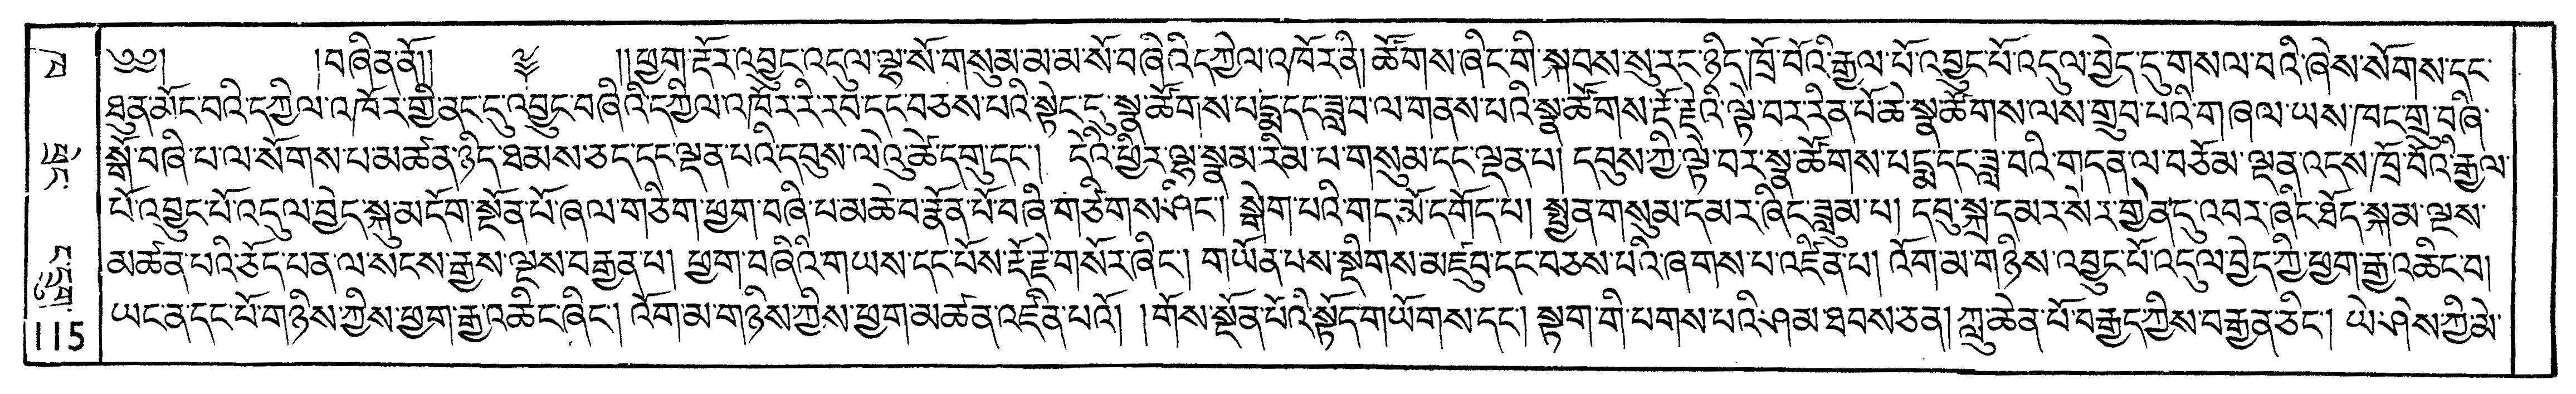༄༅། །བཞིན་ནོ།། ༈ །།ཕྱག་རྡོར་འབྱུང་འདུལ་ལྷ་སོ་གསུམ་མ་མ་སོ་བཞིའི་དཀྱིལ་འཁོར་ནི། ཚོགས་ཞིང་གི་སྐབས་སུ་རང་ཉིད་ཁྲོ་བོའི་རྒྱལ་པོ་འབྱུང་པོ་འདུལ་བྱེད་དུ་གསལ་བའི་ཞེས་སོགས་དང་
ཐུན་མོང་བའི་དཀྱིལ་འཁོར་གྱི་ནང་དུ་འབྱུང་བཞིའི་དཀྱིལ་འཁོར་རི་རབ་དང་བཅས་པའི་སྟེང་དུ་སྣ་ཚོགས་པདམ་དང་ཟླ་བ་ལ་གནས་པའི་སྣ་ཚོགས་རྡོ་རྗེའི་ལྟེ་བར་རིན་པོ་ཆེ་སྣ་ཚོགས་ལས་གྲུབ་པའི་གཞལ་ཡས་ཁང་གྲུ་བཞི་
སྒོ་བཞི་པ་ལ་སོགས་པ་མཚན་ཉིད་ཐམས་ཅད་དང་ལྡན་པའི་དབུས་ལེའུ་ཚེ་དགུ་དང་། དེའི་ཕྱིར་ལྷ་སྣམ་རིམ་པ་གསུམ་དང་ལྡན་པ། དབུས་ཀྱི་ལྟེ་བར་སྣ་ཚོགས་པདམ་དང་ཟླ་བའི་གདན་ལ་བཅོམ་ལྡན་འདས་ཁྲོ་བོའི་རྒྱལ་
པོ་འབྱུང་པོ་འདུལ་བྱེད་སྐུ་མདོག་སྔོན་པོ་ཞལ་གཅིག་ཕྱག་བཞི་པ་མཆེ་བ་རྣོན་པོ་བཞི་གཙིགས་ཤིང་། སྒེག་པའི་གད་མོ་དགོད་པ། སྤྱན་གསུམ་དམར་ཞིང་ཟླུམ་པ། དབུ་སྐྲ་དམར་སེར་གྱེན་དུ་འབར་ཞིང་ཐོད་སྐམ་ལྔས་
མཚན་པའི་ཅོད་པན་ལ་སངས་རྒྱས་ལྔས་བརྒྱན་པ། ཕྱག་བཞིའི་གཡས་དང་པོས་རྡོ་རྗེ་གསོར་ཞིང་། གཡོན་པས་སྡིགས་མཛུབ་དང་བཅས་པའི་ཞགས་པ་འཛིན་པ། འོག་མ་གཉིས་འབྱུང་པོ་འདུལ་བྱེད་ཀྱི་ཕྱག་རྒྱ་འཆིང་བ།
ཡང་ན་དང་པོ་གཉིས་ཀྱིས་ཕྱག་རྒྱ་འཆིང་ཞིང་། འོག་མ་གཉིས་ཀྱིས་ཕྱག་མཚན་འཛིན་པའོ། །གོས་སྔོན་པོའི་སྟོད་གཡོགས་དང་། སྟག་གི་པགས་པའི་ཤམ་ཐབས་ཅན། ཀླུ་ཆེན་པོ་བརྒྱད་ཀྱིས་བརྒྱན་ཅིང་། ཡེ་ཤེས་ཀྱི་མེ་